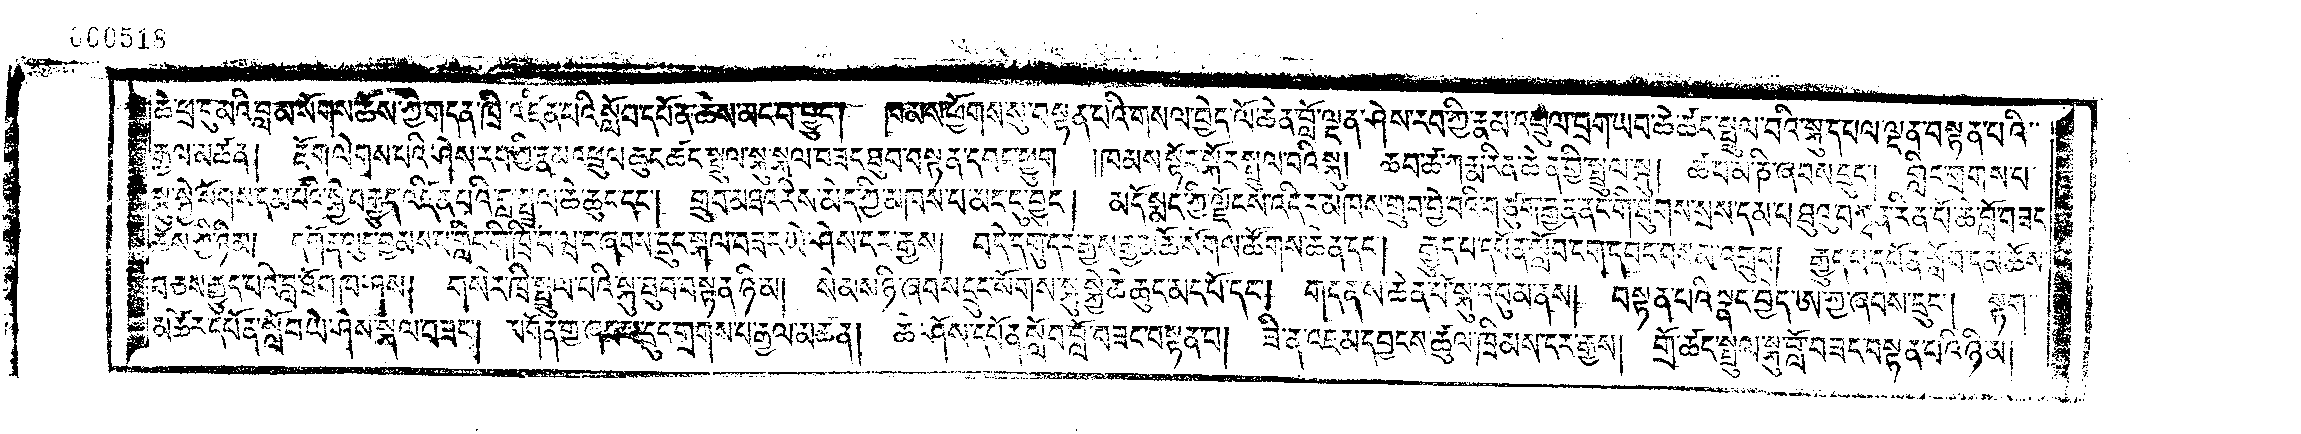ཆེ་ཕྲ་དུ་མའི་བླ་མ་སོགས་ཆོས་ཀྱི་གདན་ཁྲི་འཛིན་པའི་སློབ་དཔོན་ཆེས་མང་པ་བྱུང་། ཁམས་ཕྱོགས་སུ་བསྟན་པའི་གསལ་བྱེད་ལོ་ཆེན་བློ་ལྡན་ཤེས་རབ་ཀྱི་རྣམ་འཕྲུལ་བྲག་ཡབ་ཆེ་ཚང་སྤྲུལ་པའི་སྐུ་དཔལ་ལྡན་བསྟན་པའི་
རྒྱལ་མཚན། རྡོག་ལེགས་པའི་ཤེས་རབ་ཀྱི་རྣམ་འཕྲུལ་ཆུང་ཚང་སྤྲུལ་སྐུ་སྐལ་བཟང་ཐུབ་བསྟན་དབང་ཕྱུག །ཁམས་སྟོང་སྐོར་སྤྲུལ་པའི་སྐུ། ཆབ་ཚ་ཀརྨ་རིན་ཆེན་གྱི་སྤྲུལ་སྐུ། ཚ་བ་མ་ཎི་ཞབས་དྲུང་། གླིང་གྲགས་པ་
སྐུ་སྐྱེ་སོགས་དམ་པའི་སྐྱེ་བརྒྱུད་འཛིན་པའི་བླ་སྤྲུལ་ཆེ་ཆུང་དང་། གྲུབ་མཐའ་རིས་མེད་ཀྱི་མཁས་པ་མང་དུ་བྱུང་། མདོ་སྨད་ཀྱི་ལྗོངས་འདིར་མཁས་གྲུབ་བྱེ་པའི་གཙུག་རྒྱན་ནང་གི་ཐུགས་སྲས་དམ་པ་ཐུའུ་བཀྭན་རིན་པོ་ཆེ་བློ་བཟང་
ཆོས་ཀྱི་ཉི་མ། དགོན་ལུང་བྱམས་པ་གླིང་གི་ཁྲི་བ་ཝང་ཞབས་དྲུང་སྐལ་བཟང་ཡེ་ཤེས་དར་རྒྱས། བདེ་དགུ་དར་རྒྱས་རྒྱ་མཚོ་སོགས་ཚོགས་ཆེན་དང་། རྒྱུད་པ་དཔོན་སློབ་ངག་དབང་བསམ་འགྲུབ། རྒྱུད་པ་དཔོན་སློབ་དམ་ཆོས་
བཅས་རྒྱུད་པའི་བླ་ཐོག་ཁ་ཤས། གསེར་ཁྲི་སྤྲུལ་པའི་སྐུ་ཐུབ་བསྟན་ཉི་མ། སེམས་ཉི་ཞབས་དྲུང་སོགས་སྐུ་སྐྱེ་ཆེ་ཆུང་མང་པོ་དང་། གདན་ས་ཆེན་པོ་སྐུ་འབུམ་ནས། བསྟན་པའི་སྣང་བྱེད་ཨ་ཀྱ་ཞབས་དྲུང་། སྟག་
མཚེར་དཔོན་སློབ་ཡེ་ཤེས་སྐལ་བཟང་། མགོན་གྱ་ཞབས་དྲུང་གྲགས་པ་རྒྱལ་མཚན། ཆེ་ཤོས་དཔོན་སློབ་བློ་བཟང་བསྟན་པ། ཟིན་འཇམ་དབྱངས་ཚུལ་ཁྲིམས་དར་རྒྱས། གྲོ་ཚང་སྤྲུལ་སྐུ་བློ་བཟང་བསྟན་པའི་ཉི་མ།